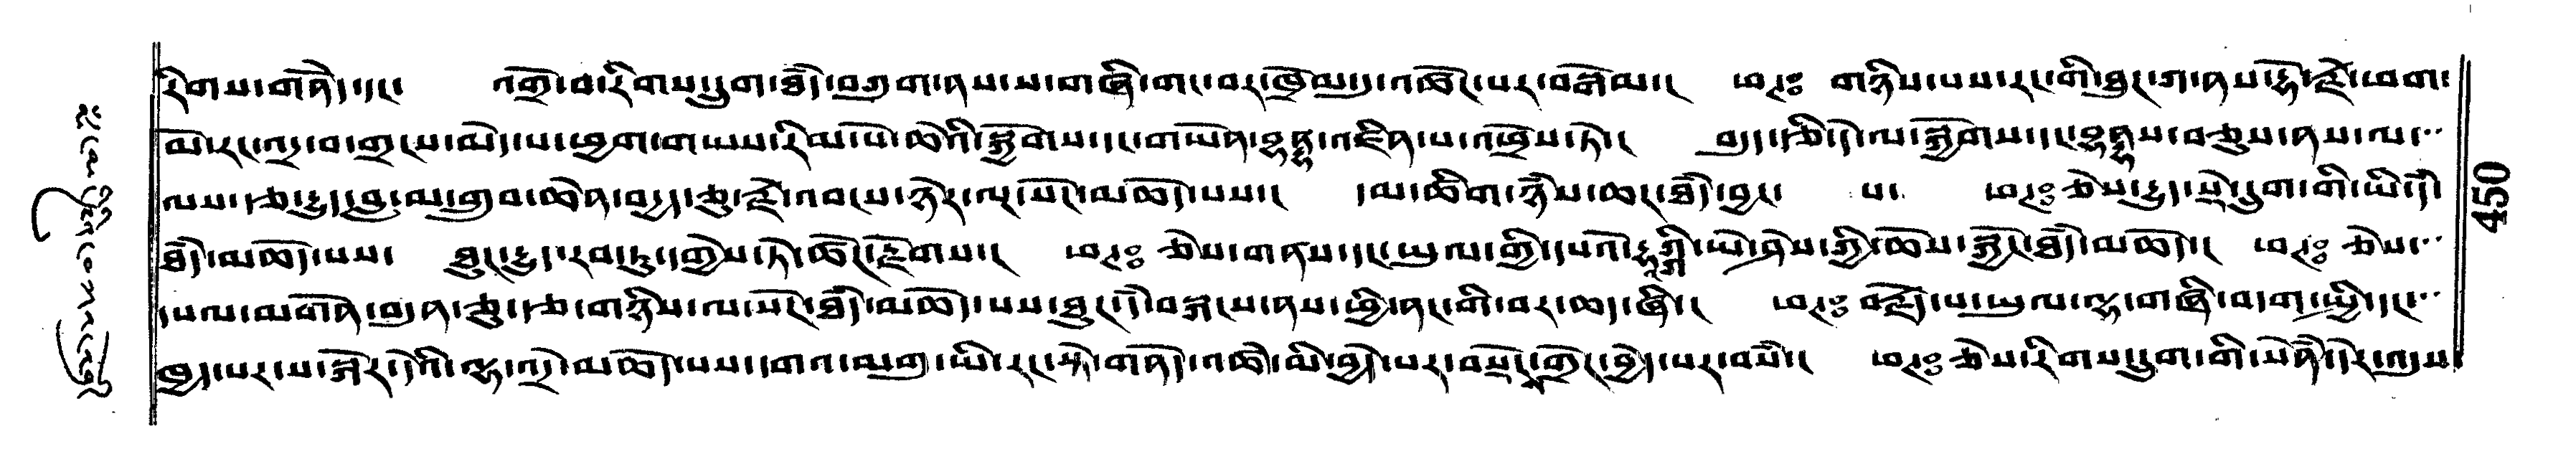རིགས་གནོད་བྱེད་དང་། འགྲོ་བ་རིགས་དྲུག་ཐམས་ཅད་བཀུག་ནས་ས་གཞི་གང་བར་ཁྲོམ་དུ་འཚོགས་པར་བསྒོམ། ཕཊཿ གཉིས་པས་རང་གི་ཐུགས་ཀ་ནས་རྡོ་རྗེ་ཕག་
མོ་རང་འདྲ་བ་གྲངས་མེད་པ་ཕྱག་གཡས་རིམ་པོ་ཆེའི་སྐྱོགས་དང་གཡོན་བྷནྡྷ་འཛིན་པ་འཕྲོས་ཏེ།བདུད་རྩི་དེ་ལ་སྐྱོགས་དང་བྷནྡྷས་བཅུས་ནས་ལ་
ལས་རྩ་རྒྱུད་བླ་མ་གྲུབ་ཆེན་བརྒྱད་ཅུ་རྗེ་འབངས་ཉེར་ལྔ་སོགས་མཆོད་པས། དམ་ཚིག་ཉམས་ཆག་ཐམས་ཅད་བྱང་། ཕཊཿ ཅེས་རྒྱུད་སྡེ་དྲུག་གི་ཡི་དམ་
ཐམས་ཅད་མཆོད་པས། ཐུགས་རྒྱུད་རབ་ཏུ་དགྱེས་ཏེ་ཚོགས་རྗོགས། ཕཊཿ ཅེས་གནས་དང་ཡུལ་གྱི་དཔའ་བོ་དྷཱཀྐི་ཡེ་ཤེས་ཀྱི་ཆོས་སྐྱོང་ཐམས་ཅད་མཆོད། ཕཊཿ ཅེས་
དཔལ་མགོན་བདུན་ཅུ་རྩ་གཉིས་ལ་སོགས་ཐམས་ཅད་མཆོད་པས་ཐུགས་དམ་བསྐངས་ནས་ཕྱི་ནང་གི་བར་ཆད་ཞི། ཕཊཿ བརྗོད་པ་ཡུལ་ལྷ་གཞི་བདག་སྤྱི་དང་
ཁྱད་པར་ས་སྐོར་དེའི་ལྷ་འདྲེ་མཆོད་པས་དགའ་མགུ་ཡི་རངས་ཏེ་གནོད་འཚེ་མི་བྱེད་པར་སྡོང་གྲོགས་བྱེད་པར་བསམ། ཕཊཿ ཅེས་རིགས་དྲུག་གི་སེམས་ཅན་དེར་འདུས་